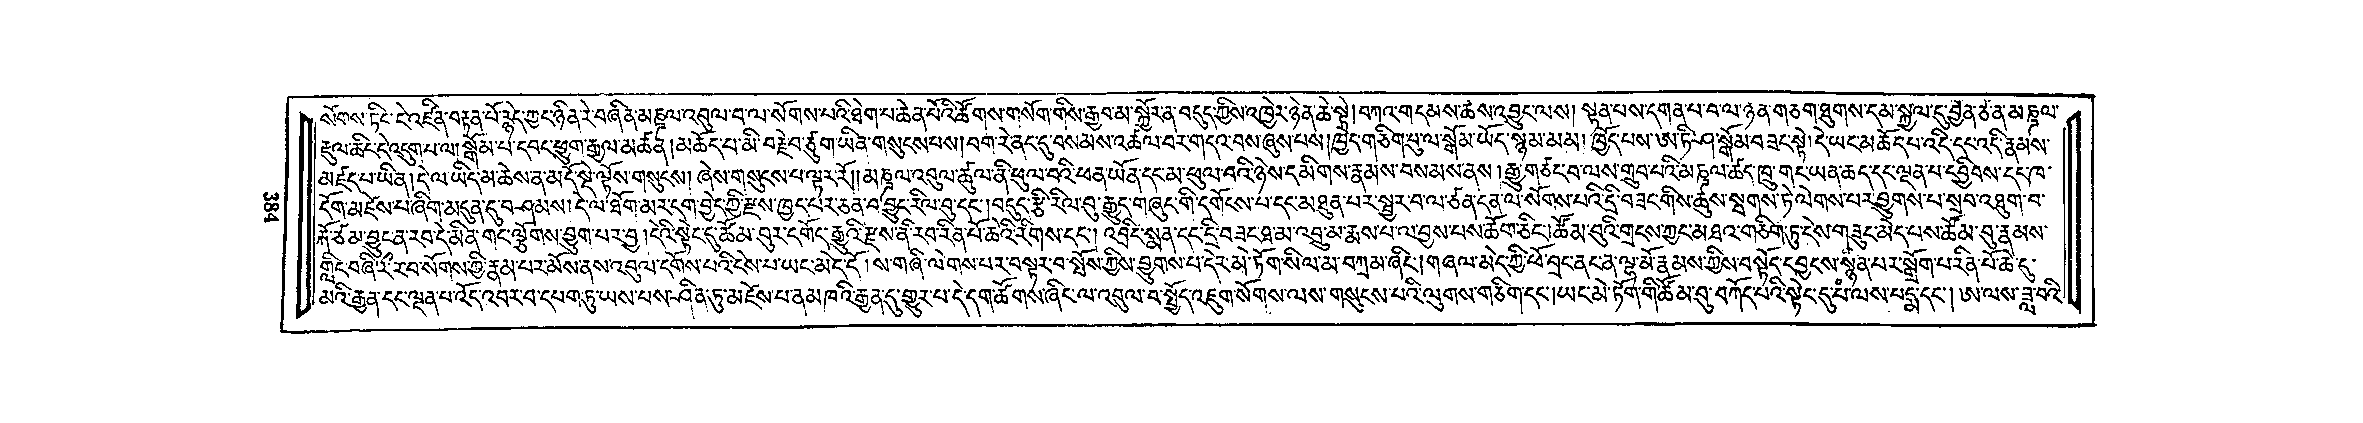སོགས་ཏིང་ངེ་འཛིན་བརྟན་པོ་རྙེད་ཀྱང་ཉིན་རེ་བཞིན་མཎྜལ་འབུལ་བ་ལ་སོགས་པའི་ཐེག་པ་ཆེན་པོའི་ཚོགས་གསོག་གིས་རྒྱབ་མ་སྐྱོར་ན་བདུད་ཀྱིས་འཁྱེར་ཉེན་ཆེ་སྟེ། བཀའ་གདམས་ཚས་འབྱུང་ལས། སྟན་པས་དགན་པ་བ་ལ་ཉིན་གཅིག་ཐུགས་དམ་སྐྱལ་དུ་བྱོན་ཙ་ན་མཎྜལ་
རྡུལ་ཆིང་དེ་འདུག་པ་ལ། སྒོམ་པ་དབང་ཕྱུག་རྒྱལ་མཚན། མཆོད་པ་མི་བརྗེ་བ་ཙུག་ཡིན་གསུངས་པས། བག་རེ་ནང་དུ་བསམས་འཚལ་བར་གདའ་བས་ཞུས་པས། ཁྱེད་གཅིག་པུ་ལ་སྒོམ་ཡོད་སྙམ་མམ། ཁྱོད་པས་ཨ་ཏི་ཤ་སྒོམ་བཟང་སྟེ། དེ་ཡང་མཆོད་པ་འདི་དང་འདི་རྣམས་
མཛད་པ་ཡིན། དེ་ལ་ཡིད་མ་ཆེས་ན་མདོ་སྡེ་ལྟོས་གསུངས། ཞེས་གསུངས་པ་ལྟར་རོ། །མཎྜལ་འབུལ་ཚུལ་ནི་ཕུལ་བའི་ཕན་ཡོན་དང་མ་ཕུལ་བའི་ཉེས་དམིགས་རྣམས་བསམས་ནས། རྒྱུ་གཙང་བ་ལས་གྲུབ་པའི་མཎྜལ་ཚད་ཁྲུ་གང་ཡན་ཆད་དང་ལྡན་པ་དབྱིབས་དང་ཁ་
དོག་མཛེས་པ་ཞིག་མདུན་དུ་བཤམས། དེ་ལ་ཐོག་མར་དག་བྱེད་ཀྱི་རྫས་ཁྱད་པར་ཅན་བ་བྱུང་རིལ་བུ་དང་། བདུད་རྩི་རིལ་བུ་རྒྱུད་གཞུང་གི་དགོངས་པ་དང་མཐུན་པར་སྦྱར་བ་ལ་ཙན་དན་ལ་སོགས་པའི་དྲི་བཟང་གིས་ཆུས་སྦགས་ཏེ་ལེགས་པར་བྱུགས་པ་སྲབ་འཐུག་བ་
རྐོ་ཙམ་བྱུང་ན་རབ་དེ་མིན་གང་ལྕོགས་བྱུག་པར་བྱ། དེའི་སྟེང་དུ་ཚོམ་བུར་དགོད་རྒྱུའི་རྫས་ནི་རབ་རིན་པོ་ཆེའི་རིགས་དང་། འབྲིང་སྨན་དང་དྲི་བཟང་ཐ་མ་འབྲུ་མ་རྨས་པ་ལ་བྱས་པས་ཆོག་ཅིང་། ཚོམ་བུའི་གྲངས་ཀྱང་མཐའ་གཅིག་ཏུ་ངེས་གཟུང་མེད་པས་ཚོམ་བུ་རྣམས་
གླིང་བཞི་རི་རབ་སོགས་ཀྱི་རྣམ་པར་མོས་ནས་འབུལ་དགོས་པའི་ངེས་པ་ཡང་མེད་དོ། ས་གཞི་ལེགས་པར་བསྟར་བ་སྤོས་ཀྱིས་བྱུགས་པ་དེར་མེ་ཏོག་སིལ་མ་བཀྲམ་ཞིང་། གཞལ་མེད་ཀྱི་ཕོ་བྲང་ནང་ན་ལྷ་མོ་རྣམས་ཀྱིས་བསྟོད་དབྱངས་སྙན་པར་སྒྲོག་པ་རིན་པོ་ཆེ་དུ་
མའི་རྒྱན་དང་ལྡན་པ་འོད་འབར་བ་དཔག་ཏུ་ཡས་པས་ཤིན་ཏུ་མཛེས་པ་ནམ་མཁའི་རྒྱན་དུ་གྱུར་པ་དེ་དག་ཚོགས་ཞིང་ལ་འབུལ་བ་སྤྱོད་འཇུག་སོགས་ལས་གསུངས་པའི་ལུགས་གཅིག་དང་། ཡང་མེ་ཏོག་གི་ཚོམ་བུ་བཀོད་པའི་སྟེང་དུ་པཾ་ལས་པདམ་དང་། ཨ་ལས་ཟླ་བའི་